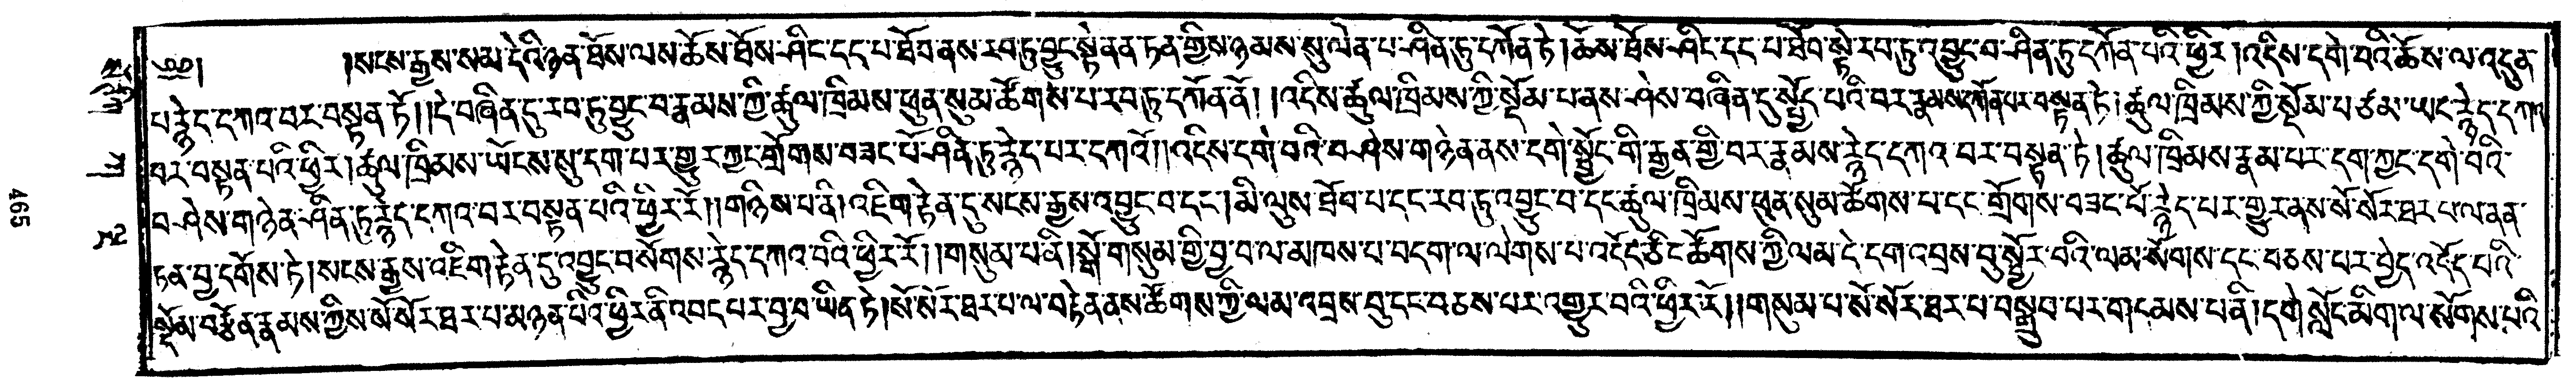༄༅། །སངས་རྒྱས་སམ་དེའི་ཉན་ཐོས་ལས་ཆོས་ཐོས་ཤིང་དད་པ་ཐོབ་ནས་རབ་ཏུ་བྱུང་སྟེ་ནན་ཏན་གྱིས་ཉམས་སུ་ལེན་པ་ཤིན་ཏུ་དཀོན་ཏེ། ཆོས་ཐོས་ཤིང་དང་པ་ཐོབ་སྟེ་རབ་ཏུ་འབྱུང་བ་ཤིན་ཏུ་དཀོན་པའི་ཕྱིར། འདིས་དགེ་བའི་ཆོས་ལ་འདུན་
པ་རྙེད་དཀའ་བར་བསྟན་ཏོ། །དེ་བཞིན་དུ་རབ་ཏུ་བྱུང་བ་རྣམས་ཀྱི་ཚུལ་ཁྲིམས་ཕུན་སུམ་ཚོགས་པ་རབ་ཏུ་དཀོན་ནོ། །འདིས་ཚུལ་ཁྲིམས་ཀྱི་སྡོམ་པ་ནས་ཤེས་བཞིན་དུ་སྤྱོད་པའི་བར་རྣམས་དཀོན་པར་བསྟན་ཏེ། ཚུལ་ཁྲིམས་ཀྱི་སྡོམ་པ་ཙམ་ཡང་རྙེད་དཀའ་
བར་བསྟན་པའི་ཕྱིར། ཚུལ་ཁྲིམས་ཡོངས་སུ་དག་པར་གྱུར་ཀྱང་གྲོགས་བཟང་པོ་ཤིན་ཏུ་རྙེད་པར་དཀའོ། །འདིས་དགེ་བའི་བཤེས་གཉེན་ནས་དགེ་སྦྱོང་གི་རྒྱན་གྱི་བར་རྣམས་རྙེད་དཀའ་བར་བསྟན་ཏེ། ཚུལ་ཁྲིམས་རྣམ་པར་དག་ཀྱང་དགེ་བའི་
བཤེས་གཉེན་ཤིན་ཏུ་རྙེད་དཀའ་བར་བསྟན་པའི་ཕྱིར་རོ། །གཉིས་པ་ནི། འཇིག་རྟེན་དུ་སངས་རྒྱས་འབྱུང་བ་དང་། མི་ལུས་ཐོབ་པ་དང་རབ་ཏུ་འབྱུང་བ་དང་ཚུལ་ཁྲིམས་ཕུན་སུམ་ཚོགས་པ་དང་གྲོགས་བཟང་པོ་རྙེད་པར་གྱུར་ནས་སོ་སོར་ཐར་པ་ལ་ནན་
ཏན་བྱ་དགོས་ཏེ་།སངས་རྒྱས་འཇིག་རྟེན་དུ་འབྱུང་བ་སོགས་རྙེད་དཀའ་བའི་ཕྱིར་རོ། །གསུམ་པ་ནི། སྒོ་གསུམ་གྱི་བྱ་བ་ལ་མཁས་པ་བདག་ལ་ལེགས་པ་འདོད་ཅིང་ཚོགས་ཀྱི་ལམ་དེ་དག་འབྲས་བུ་སྦྱོར་བའི་ལམ་སོགས་དང་བཅས་པར་བྱེད་འདོད་བའི་
སྡོམ་བརྩོན་རྣམས་ཀྱིས་སོ་སོར་ཐར་པ་མཉན་པའི་ཕྱིར་ནི་འབད་པར་བྱ་བ་ཡིན་ཏེ། སོ་སོར་ཐར་པ་ལ་བརྟེན་ནས་ཚོགས་ཀྱི་ལམ་འབྲས་བུ་དང་བཅས་པར་འགྱུར་བའི་ཕྱིར་རོ། །གསུམ་པ་སོ་སོར་ཐར་པ་བསྒྲུབ་པར་གདམས་པ་ནི། དགེ་སློང་མིག་ལ་སོགས་པའི་